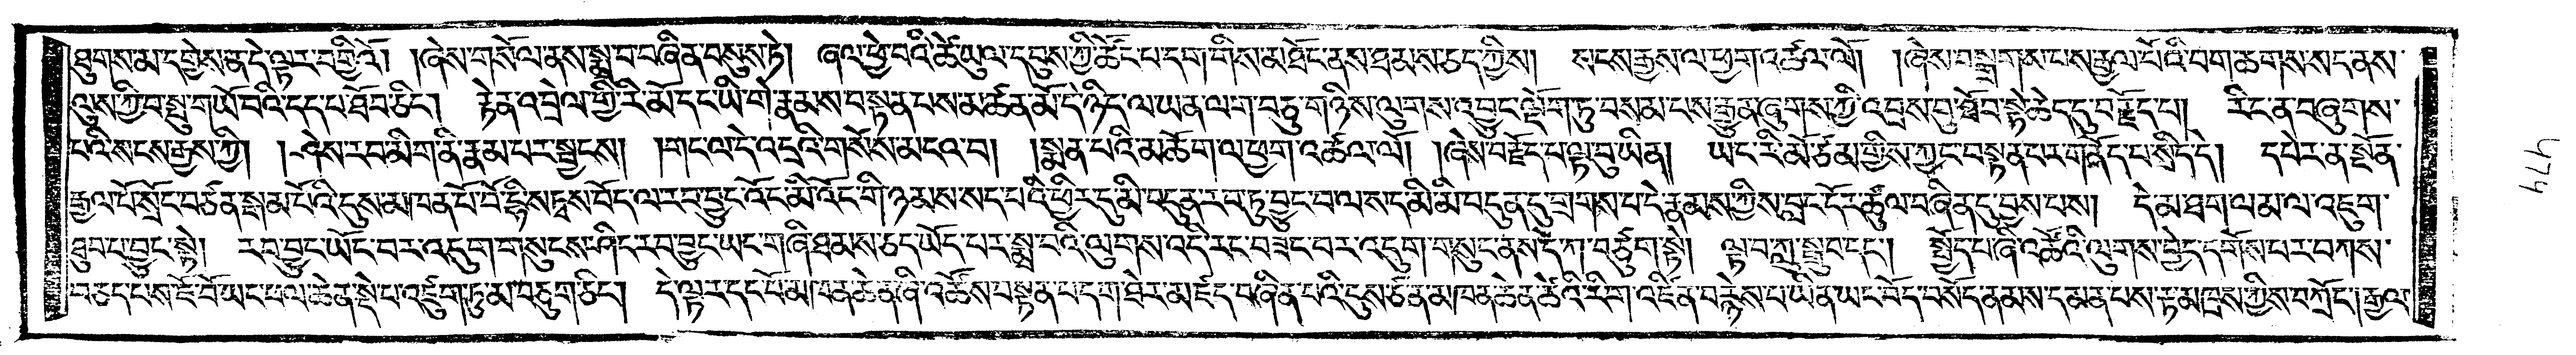ཐུགས་མ་དགྱེས་ན་དེ་ལྟར་བགྱིའོ། །ཞེས་གསོལ་ནས་སྨྲ་བ་བཞིན་བསུས་ཏེ། ཞལ་ཕྱེ་བའི་ཚེ་ཡུལ་དུ་དབུས་ཀྱི་ཚོང་པ་དག་གིས་མཐོང་ནས་ཐམས་ཅད་ཀྱིས། སངས་རྒྱས་ལ་ཕྱག་འཚལ་ལོ། །ཞེས་བསྒྲགས་པས་རྒྱལ་པོའི་བག་ཆགས་སད་ནས་
ལུས་ཀྱི་བ་སྤུ་གཡོ་བའི་དད་པ་ཐོབ་ཅིང་། རྟེན་འབྲེལ་གྱི་རི་མོ་དང་ཡི་གེ་རྣམས་བརྟན་པས་མཚན་མོ་དེ་ཉིད་ལ་ཡན་ལག་བཅུ་གཉིས་ལུགས་འབྱུང་ལྡོག་ཏུ་བསམ་པས་རྒྱུན་ཞུགས་ཀྱི་འབྲས་བུ་ཐོབ་སྟེ་ཆེད་དུ་བརྗོད་པ། རིང་ན་བཞུགས་
པའི་སངས་རྒྱས་ཀྱི། །ཤེས་རབ་མིག་ནི་རྣམ་པར་སྦྱངས། །གང་ལ་དེ་འདྲའི་གསོས་མངའ་བ། །སྨན་པའི་མཆོག་ལ་ཕྱག་འཚལ་ལོ། །ཞེས་བརྗོད་པ་ལྟ་བུ་ཡིན། ཡང་རི་མོ་ཙམ་གྱིས་ཀྱང་བསྟན་པར་གནོད་པ་སྲིད་དེ། དཔེར་ན་སྔོན་
རྒྱལ་པོ་སྲོང་བཙན་སྒམ་པོའི་དུས་མཁན་པོ་བོ་དྷིས་སཊཿཝ་ས་བོད་ལ་རབ་བྱུང་འོང་མི་འོང་གི་ཉམས་སད་པའི་ཕྱིར་དུ་མི་བདུན་རབ་ཏུ་བྱུང་བ་ལ་སད་མི་བདུན་དུ་གྲགས་པ་དེ་རྣམས་ཀྱིས་བླང་དོར་ཚུལ་བཞིན་དུ་བྱས་པས། དེ་མ་ཐག་ལམ་ལ་འཇུག་
ཐུབ་པ་བྱུང་སྟེ། རབ་བྱུང་ཡོང་བར་འདུག་གསུངས་ཤིང་རབ་བྱུང་ཡང་གཞི་ཐམས་ཅད་ཡོད་པར་སྨྲ་བའི་ལུགས་འདི་རང་བཟང་བར་འདུག་གསུང་ནས་དེ་ཀ་བཙུག་སྟེ། ལྟ་བ་ཀླུ་སྒྲུབ་དང་། སྤྱོད་པ་ཞི་འཚོའི་ལུགས་བྱེད་དགོས་པར་བཀས་
བཅད་པས་ཇོ་བོ་ཡང་ཕལ་ཆེན་སྡེ་པ་འཛུག་ཏུ་མ་བཅུག་ཅིང་། དེ་ལྟར་དང་པོ་མཁན་ཆེན་ཞི་འཚོས་བསྟན་པ་དག་ཐེར་མཛད་བཞིན་པའི་དུས་ཙ་ན་མཁན་ཆེན་ཚེའི་རིག་འཛིན་བརྙེས་པ་ཡིན་ཡང་བོད་བསོད་ནམས་དམན་པས་རྟ་མཁྲས་ཀྱིས་བཀྲོང་། རྒྱལ་